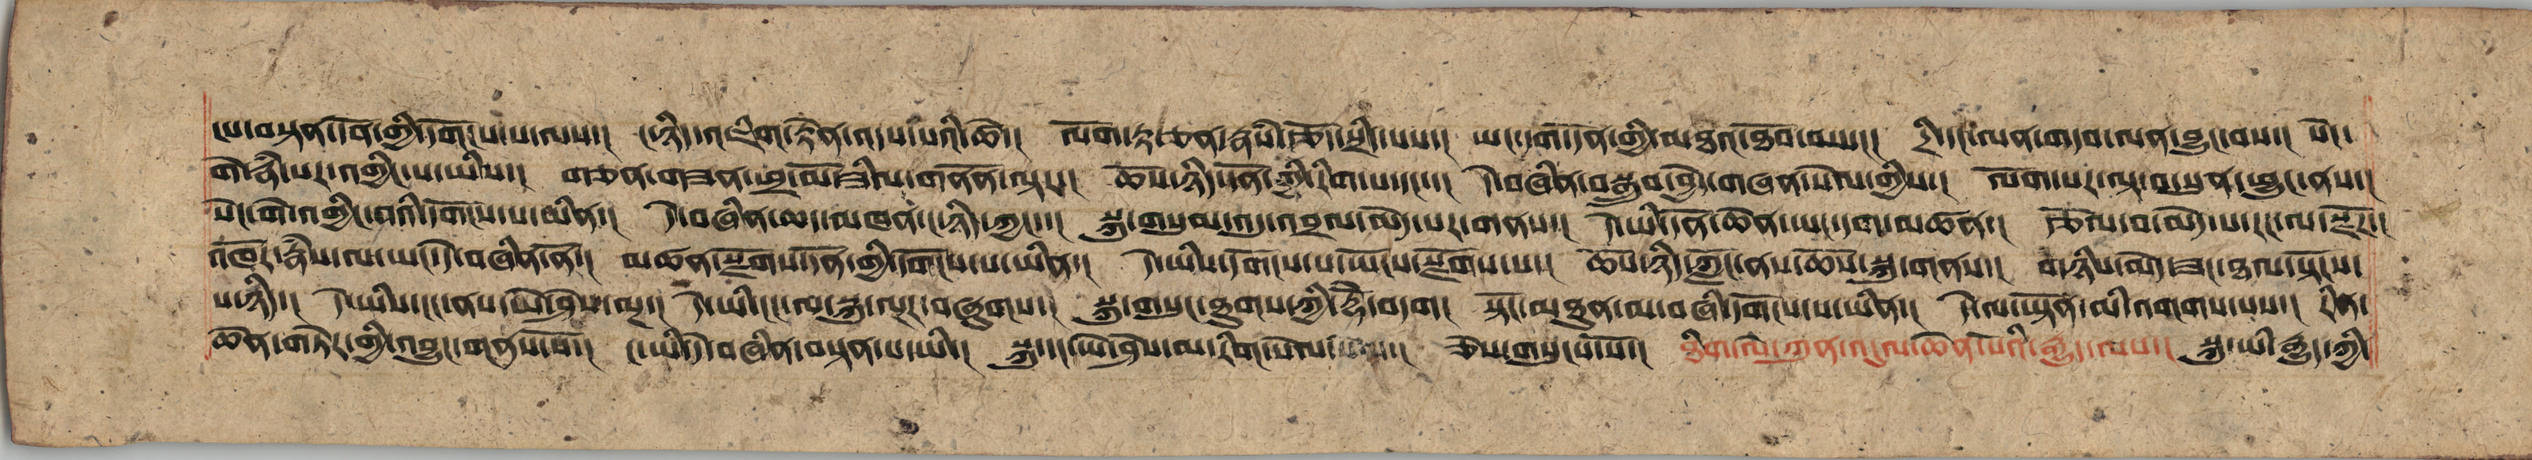ངས་བསྟན་དོན་གྱི་དགོངས་པ་ལས་། ང་ཉིད་འཇིག་རྟེན་འདས་པའི་ཚེ་། ལོག་རྟ་ཅན་རྣཾས་རྩོད་སྲིད་པས་། ཡང་དག་དོན་གྱི་མཐའ་ཐོབ་བས་།། དྲི་དང་ལན་གདབ་ལན་བྱུང་བས་། སེང་
གེ་རྣཾ་པར་འགྱིང་པ་ཡིས་། གཅན་གཟན་ཕྲ་མོ་ཟིལ་གནོན་ལྟར་། ཆོས་ཉིད་དོན་གྱི་རིག་པ་དང་་། དེ་བཞིན་བསྒྲུབ་བྱེད་གཞན་སེལ་གྱིས་། ལོག་པར་ལྟ་བ་སུན་བྱུང་ནས་།
སེང་གེ་འགྱིང་བའི་དགོངས་པ་ཡིན་། དེ་བཞིན་ཆད་མཁན་ང་ཉིད་ཀྱང་་། སྐུ་གསུམ་འདུ་འབྲལ་མེད་པར་གནས་། དེ་ཡི་དོན་ཆེན་ཡང་དག་མཚན་། རྩོལ་བ་མེད་པ་རང་ལ་སྫོཌ་།
འཁོར་རྣཾས་ལ་ཡང་དེ་བཞིན་ནོ་། མཚན་སྫོགས་དོན་གྱི་དགོངས་པ་ཡིན་། དེ་ཡིས་དགོངས་པ་ཡོངས་སྫོགས་པ་། ཆོས་ཉིད་ཀློང་ནས་ཆོས་སྐུ་གནས་། གཉིས་མེད་ཟང་ཐལ་སྟོངས་
པ་ཉིད་། དེ་ཡིས་ངང་ནས་ཡེ་ཤེས་ལྔ་། དེ་ཡི་ངང་ལ་སྐུ་ལྔར་བཞུགས་། སྐུ་གསུང་ཐུགས་ཀྱི་རྡོེ་བདག། སྟོང་མཐུན་མ་བཞི་དགོངས་པ་ཡིན་། དེ་ལ་ཡྟོན་མི་འགགས་པས་། རིན་
ཆེན་གཏེར་གྱི་འབྱུང་གནས་སོ་། ང་ཡི་དེ་བཞིན་བསྟན་པ་ཡི་། སྐུ་དང་ཡེ་ཤེས་མ་རིག་སེལ་། ཅེས་གསུངས་སོ་། ཐིག་ལེ་ཀུན་འདུལ་ཆེན་པོའི་རྒྱུད་ལས་། སྐུ་ཡི་རྒྱུད་ཀྱི་